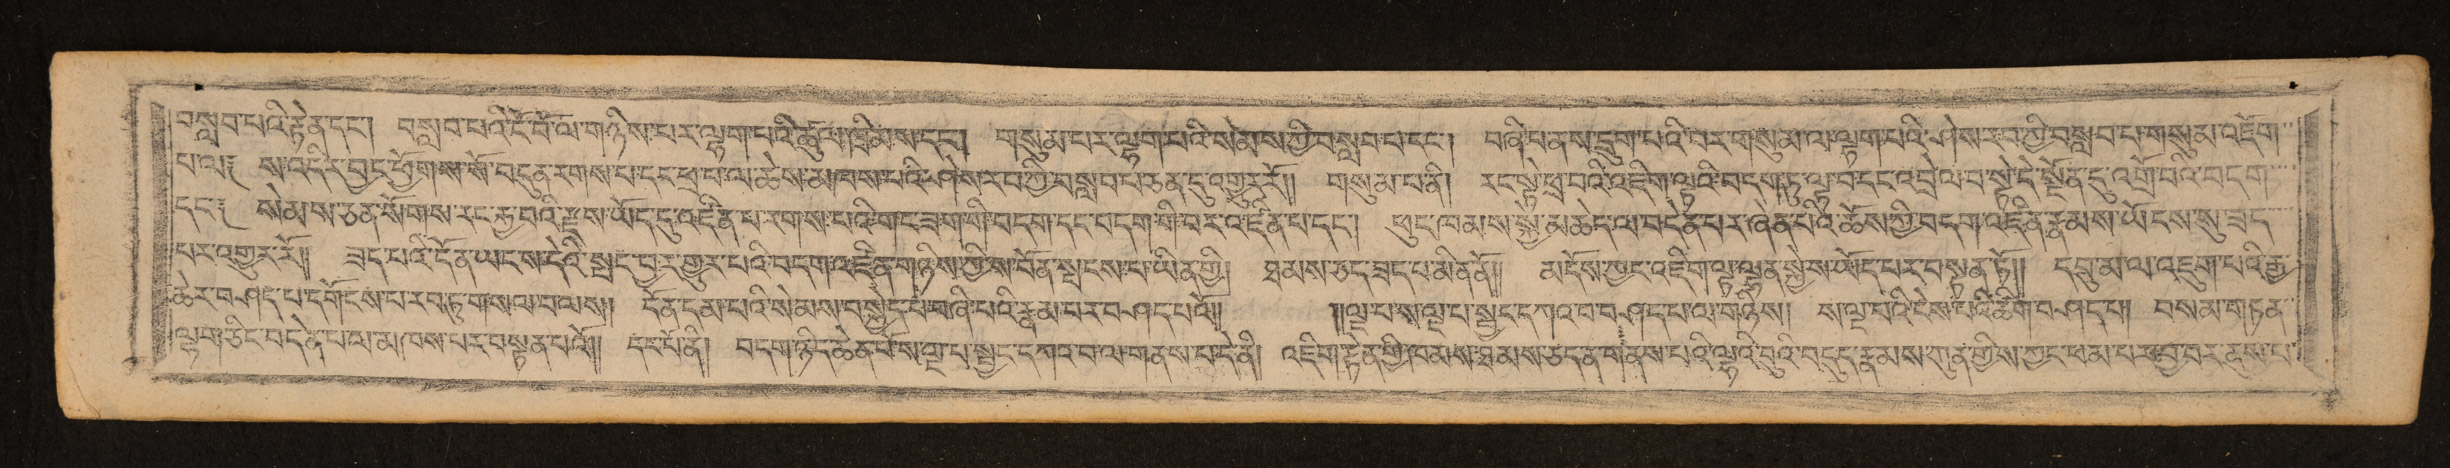བསླབ་པའི་རྟེན་དང་། བསླབ་པའི་ངོ་བོ་ལ་གཉིས་པར་ལྷག་པའི་ཚུལ་ཁྲིམས་དང་། གསུམ་པར་ལྷག་པའི་སེམས་ཀྱི་བསླབ་པ་དང་། བཞི་པ་ནས་དྲུག་པའི་བར་གསུམ་ལ་ལྷག་པའི་ཤེས་རབ་ཀྱི་བསླབ་པ་གསུམ་འཇོག་
པ་ལ༑ ས་འདིར་བྱང་ཕྱོགས་སོ་བདུན་རགས་པ་དང་ཕྲ་བ་ལ་ཆེས་མཁས་པའི་ཤེས་རབ་ཀྱི་བསླབ་པ་ཅན་དུ་འགྱུར་རོ།། གསུམ་པ་ནི། རང་སྟེ་ཕྲ་བའི་འཇིག་ལྟའི་བདག་ཏུ་ལྟ་བ་དང་འབྲེལ་བ་སྟེ་དེ་སྔོན་དུ་འགྲོ་བའི་བདག་
དང༑ སེམས་ཅན་སོགས་རང་རྐྱ་བའི་རྫས་ཡོད་དུ་འཛིན་པ་རགས་པའི་གང་ཟག་གི་བདག་དང་བདག་གི་བར་འཛིན་པ་དང་། ཕུང་ཁམས་སྐྱེ་མཆེད་ལ་བདེན་པར་ཞེན་པའི་ཆོས་ཀྱི་བདག་འཛིན་རྣམས་ཡོངས་སུ་ཟད་
པར་འགྱུར་རོ།། ཟད་པའི་དོན་ཡང་ས་དེའི་སྤང་བྱར་གྱུར་པའི་བདག་འཛིན་གཉིས་ཀྱི་ས་བོན་སྤངས་པ་ཡིན་གྱི། ཐམས་ཅད་ཟད་པ་མིན་ནོ།། མདོས་ཀྱང་འཇིག་ལྟ་ལྷན་སྐྱེས་ཡོད་པར་བསྟན་ཏོ།། དབུ་མ་ལ་འཇུག་པའི་རྒྱ་
ཆེར་བཤད་པ་དགོངས་པ་རབ་ཏུ་གསལ་བ་ལས། དོན་དམ་པའི་སེམས་བསྐྱེད་པ་བཞི་པའི་རྣམ་པར་བཤད་པའོ།། །།ལྔ་པ་ས་ལྔ་པ་སྦྱང་དཀའ་བ་བཤད་པ་ལ་གཉིས། ས་ལྔ་པའི་ངེས་པའི་ཚིག་བཤད་པ། བསམ་གཏན་
ལྷག་ཅིང་བདེན་པ་ལ་མཁས་པར་བསྟན་པའོ།། དང་པོ་ནི། བདག་ཉིད་ཆེན་པོ་ས་ལྔ་པ་སྦྱང་དཀའ་བ་ལ་གནས་པ་དེ་ནི། འཇིག་རྟེན་གྱི་ཁམས་ཐམས་ཅད་ན་གནས་པའི་ལྷའི་བུའི་བདུད་རྣམས་ཀུན་གྱིས་ཀྱང་ཕམ་པར་བྱ་བར་ནུས་པ་